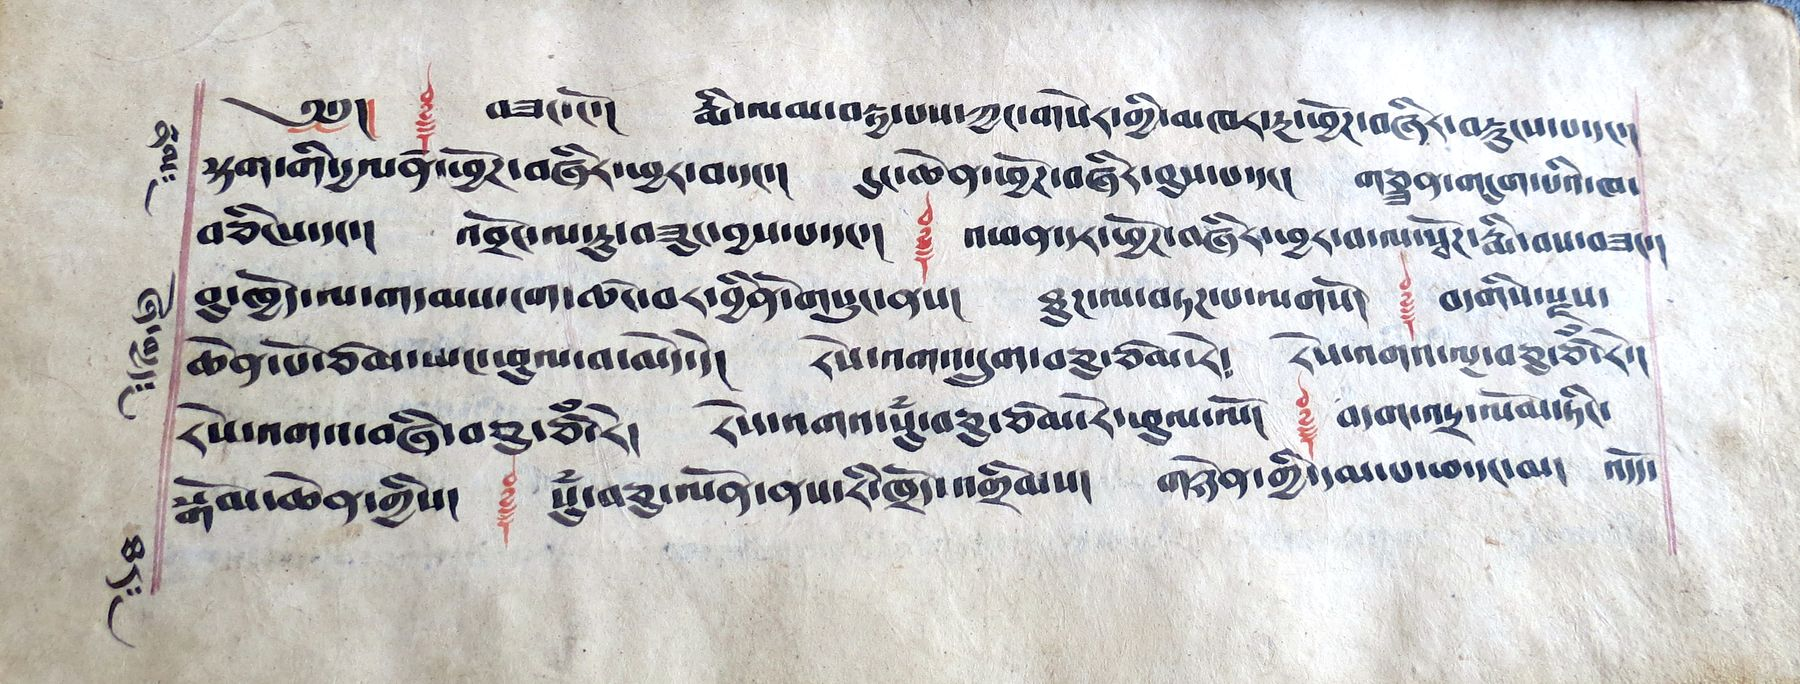བཟང་ངོ་། ། རྨི་ལམ་ལ་བརྟག་པས་ཀྱང་། གསེར་གྱི་མཁར་རྔ་ཕྱོགས་བཞིར་བརྡུང་བ་དང་། 
སྟག་གི་རྒྱལ་མཚན་ཕྱོགས་བཞིར་ཕྱར་བ་དང་། དུང་ཆེན་ཕྱོགས་བཞིར་བུས་པ་དང་། གཅན་གཟན་གདུག་པའི་ཁ་
་ཅིང་པ་དང་། འབྲོང་ལ་རུ་བཟུང་བྱས་པ་དང་། འཕན་དར་ཕྱོགས་བཞིར་ཕྱར་བ་ལས་སོགས་རྨི་བས་བཟང་། 
བུ་ཁྱོད་ལ་གདམས་ངག་ཚང་བར་སྦྱིན་ནོ་གསུངས་ནས། ཐུགས་ལ་བཏགས་པ་ལགས་སོ། ། བདག་གིས་རྫས་
ཆེན་པོ་ཙམ་ཡང་ཕུལ་བ་མེད་དེ། རེས་འགའ་དྲུག་ཅུ་ཙམ་རེ། རེས་འགའ་ལྔ་བཅུ་ཙམ་རེ། 
རེ་འགའ་བཞི་བཅུ་ཙམ་རེ། རེས་འགའ་སུམ་ཅུ་ཙམ་རེ་ཕུལ་ལོ། ། བདག་འདྲ་ལོམ་ཏིང་
སྒོམ་ཆེན་གྱིས། སུམ་ཅུ་ལོན་ནས་རི་ཁྲོད་འགྲིམས། གཉེན་གྱི་དམ་པ་ཕ་དང་མ། འདོད་